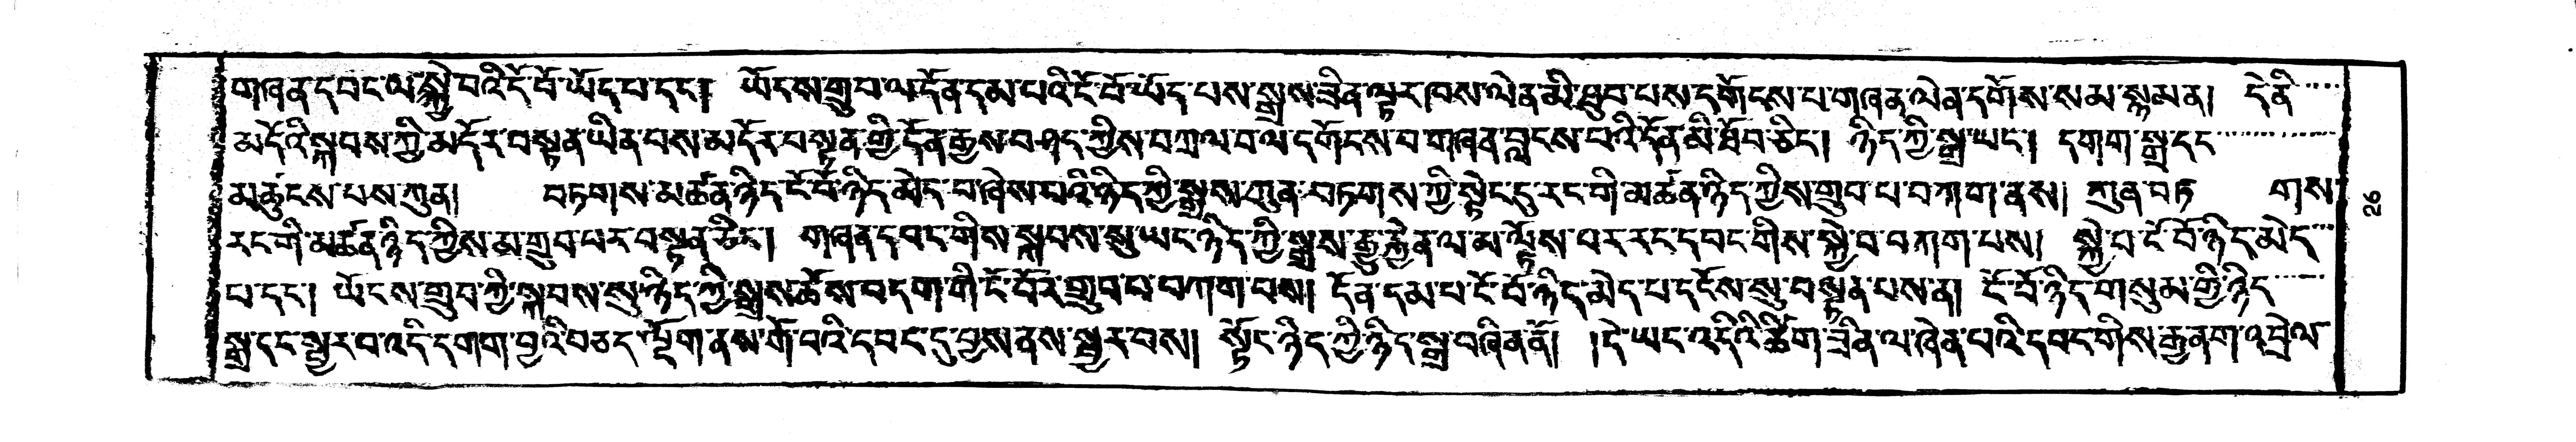གཞན་དབང་ལ་སྐྱེ་བའི་ངོ་བོ་ཡོད་བ་དང་། ཡོངས་གྲུབ་ལ་དོན་དམ་པའི་ངོ་བོ་ཡོད་པས་སྒྲས་ཟིན་ལྟར་ཁས་ལེན་མི་ཐུབ་པས་དགོངས་པ་གཞན་ལེན་དགོས་སམ་སྙམ་ན། དེ་ནི་
མདོའི་སྐབས་ཀྱི་མདོར་བསྟན་ཡིན་པས་མདོར་བསྟན་གྱི་དོན་རྒྱས་བཤད་ཀྱིས་བཀྲལ་བ་ལ་དགོངས་པ་གཞན་བླངས་པའི་དོན་མི་ཐོབ་ཅིང་། ཉིད་ཀྱི་སྒྲ་ཡང་། དགག་སྒྲ་དང་
མཚུངས་པས་ཀུན། བཏགས་མཚན་ཉིད་ངོ་བོ་ཉིད་མེད་པ་ཞེས་པའི་ཉིད་ཀྱི་སྒྲས་ཀུན་བཏགས་ཀྱི་སྟེང་དུ་རང་གི་མཚན་ཉིད་ཀྱིས་གྲུབ་པ་བཀག་ནས། ཀུན་བཏགས་
རང་གི་མཚན་ཉིད་ཀྱིས་མ་གྲུབ་པར་བསྟན་ཅིང་། གཞན་དབང་གིས་སྐབས་སུ་ཡང་ཉིད་ཀྱི་སྒྲས་རྒྱུ་རྐྱེན་ལ་མ་ལྟོས་པར་རང་དབང་གིས་སྐྱེ་བ་བཀག་པས། སྐྱེ་བ་ངོ་བོ་ཉིད་མེད་
བ་དང་། ཡོངས་གྲུབ་ཀྱི་སྐབས་སུ་ཉིད་ཀྱི་སྒྲས་ཆོས་བདག་གི་ངོ་བོར་གྲུབ་པ་བཀག་པས། དོན་དམ་པ་ངོ་བོ་ཉིད་མེད་པ་དངོས་སུ་བསྟན་པས་ན། ངོ་བོ་ཉིད་གསུམ་གྱི་ཉིད་
སྒྲ་དང་སྦྱར་བ་འདི་དགག་བྱའི་བཅད་ལྡོག་ནས་གོ་བའི་དབང་དུ་བྱས་ནས་སྦྱར་བས། སྟོང་ཉིད་ཀྱི་ཉིད་སྒྲ་བཞིན་ནོ། །དེ་ཡང་འདིའི་ཚིག་ཟིན་ལ་ཞེན་པའི་དབང་གིས་རྒྱན་ནག་འབྲེལ་